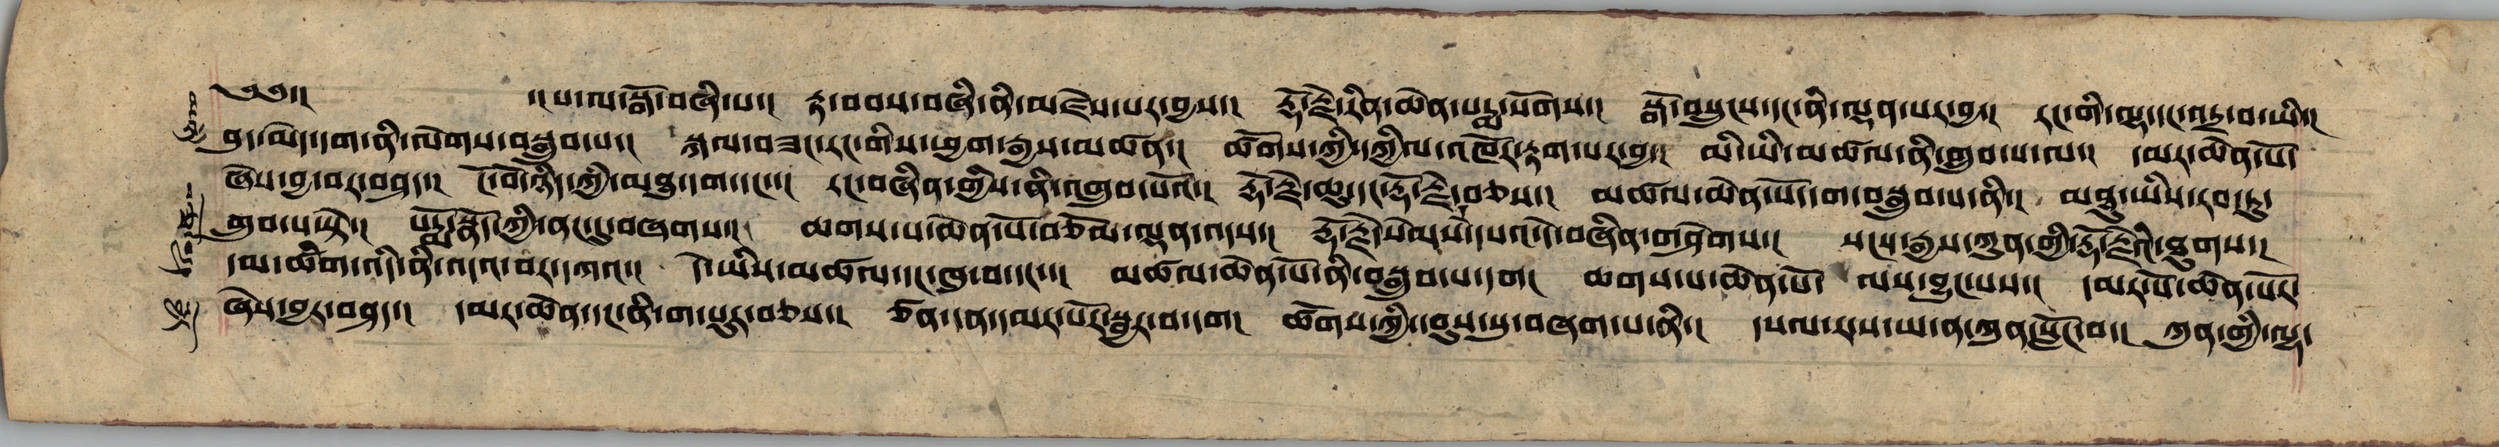༄༅་། ་།པ་ལ་སྒོ་བཞི་པ་། རྟ་བབས་བཞི་ནི་མཛེས་པར་བྱས་། རྡོ་རྗེ་རིན་ཆེན་པདྨ་སོགས་། སྒོ་བསྲུངས་དང་ནི་ལྡན་པར་བྱ་། རང་གི་ལྷ་དང་འདྲ་བ་ཡི་།
བུད་མེད་དག་ནི་ལེགས་བསྒྲུབ་པ་། སྐལ་བཟང་རང་གིས་ཕྱག་རྒྱས་མཚན་། ཚོགས་ཀྱི་དཀྱིལ་འཁོར་རྟག་པར་བྱ་། མི་ཡི་མཚལ་ནི་གྲུབ་པ་ལ་། དམར་ཆེན་པོ་
ཞེས་བྱ་བར་བཤད་། ངོ་བོ་ཉིད་ཀྱི་མཐུ་དག་དང་་། རང་བཞིན་གྱིས་ནི་འགྲུབ་པའོ་། རྡོ་རྗེ་ཆུ་དང་རྡོ་རྗེ་བཅས་། མཚལ་ཆེན་པོ་དག་བསྒྲུབ་པ་ནི་། མཐུ་ཡིས་རབ་ཏུ་
གྲུབ་པ་སྟེ་། པདྨོ་སྣོད་ཀྱི་ནང་དུ་བཞགས་། ཆགས་པ་ཆེན་པོ་བཅོམ་ལྡན་འདས་། རྡོ་རྗེ་སེམས་དཔའ་དེ་བཞིན་གཤེགས་། སངས་རྒྱས་ཀུན་གྱི་རྡོ་རྗེའི་ཐུགས་།
དམ་ཚིག་འདི་ནི་འདའ་བར་དཀའ་། དེ་ཡིས་མཚལ་དང་ཁུ་བ་དང་་། མཚལ་ཆེན་པོ་ནི་བསྒྲུབ་པ་དག། ཆགས་པ་ཆེན་པོ་ལས་བྱུང་པས་། དམར་པོ་ཆེན་པོར་
ཞེས་བྱར་བཤད་། དམར་ཆེན་དང་ནི་ག་པུར་བཅས་། ཙན་དན་དམར་པོར་སྦྱོར་བ་དག། ཚོགས་ཀྱི་དབུས་སུ་བཞག་པ་ནི་། དཔལ་ར་ས་ཡ་ན་ཀུན་སློང་བ་། ཀུན་གྱི་ལྷ་